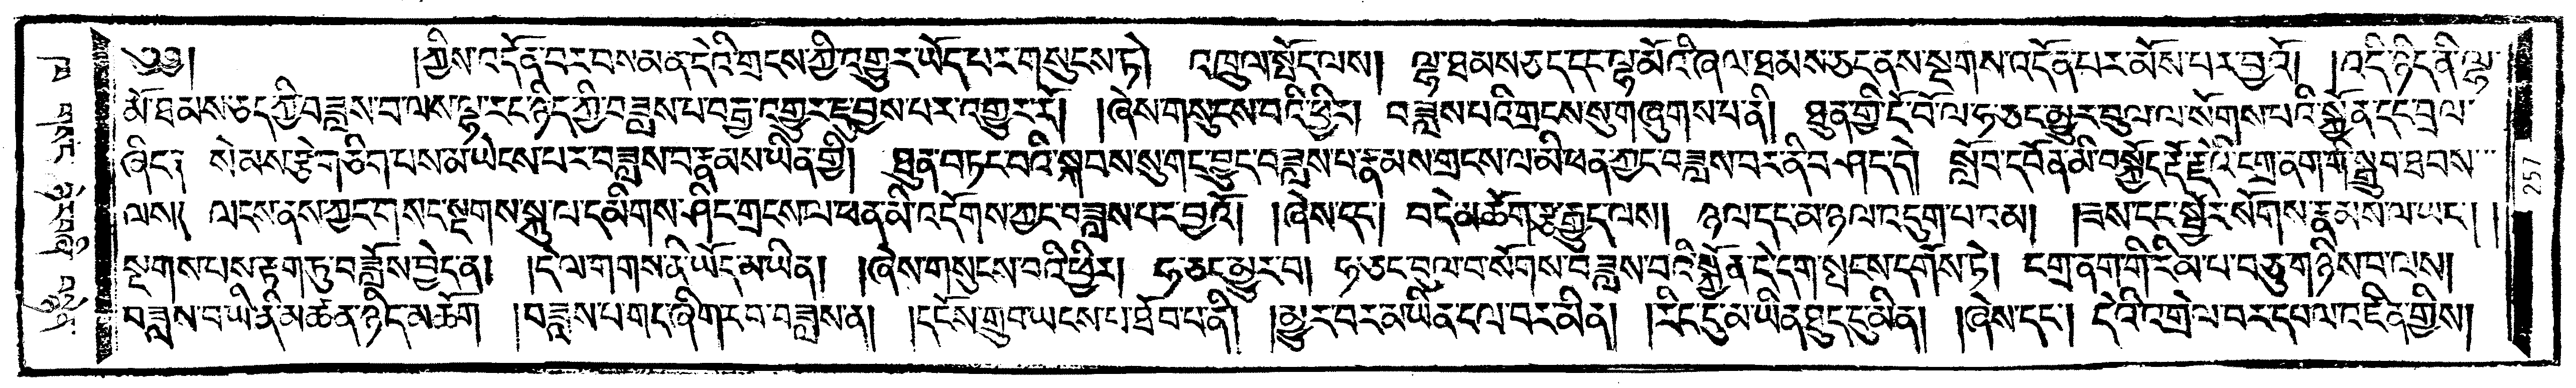༄༅། །ཀྱིས་འདོན་བར་བསམ་ན་དེའི་གྲངས་ཀྱི་འགྱུར་ཡོད་པར་གསུངས་ཏེ། འཁྲུལ་སྤོང་ལས། ལྷ་ཐམས་ཅད་དང་ལྷ་མོའི་ཞལ་ཐམས་ཅད་ནས་སྔགས་འདོན་པར་མོས་པར་བྱའོ། །འདི་ཉིད་ནི་ལྷ་
མོ་ཐམས་ཅད་ཀྱི་བཟླས་བ་ལས་ལྷ་རང་ཉིད་ཀྱི་བཟླས་པ་བརྒྱ་འགྱུར་ཇུ་བྱས་པར་འགྱུར་རོ། །ཞེས་གསུངས་པའི་ཕྱིར། བཟླས་པའི་གྲངས་སུ་གཞུགས་པ་ནི། ཐུན་གྱི་ངོ་བོ་ལ་ཧ་ཅང་མྱུར་བུལ་ལ་སོགས་པའི་སྐྱོན་དང་བྲལ་
ཞིང༑ སེམས་རྩེ་གཅིག་པས་མ་ཡེངས་པར་བཟླས་བ་རྣམས་ཡིན་གྱི། ཐུན་བཏང་བའི་སྐབས་སུ་གང་བྱུང་བཟླས་པ་རྣམས་གྲངས་ལ་མི་ཕན་ཀྱང་བཟླས་བར་ནི་བཤད་དེ། སློབ་དབོན་མི་བསྐྱོད་རྡོ་རྗེའི་དགྲ་ནག་གི་སྒྲུབ་ཐབས་
ལས༑ ལངས་ནས་ཀྱང་གསང་སྔགས་སྐུ་ལ་དམིགས་ཤིང་གྲངས་ལ་ཕན་མི་འདོགས་ཀྱང་བཟླས་པར་བྱའོ། །ཞེས་དང་། བདེ་མཆོག་རྩ་རྒྱུད་ལས། ཉལ་དང་མཉལ་འདུག་པ་འམ། །ཟས་དང་སྦྱོར་སོགས་རྣམས་ལ་ཡང་། །
སྔགས་པས་རྟག་ཏུ་བཟློས་བྱེད་ན། །དེ་ལ་གགས་ནི་ཡོད་མ་ཡིན། །ཞེས་གསུངས་བའི་ཕྱིར། ཧ་ཅང་མྱུར་བ། ཧ་ཅང་བུལ་བ་སོགས་བཟླས་བའི་སྐྱོན་དེ་དག་སྤངས་དགོས་ཏེ། དགྲ་ནག་གི་རིམ་པ་བཅུ་གཉིས་བ་ལས།
བཟླས་བ་ཡིན་མཚན་ཉིད་མཆོག །བཟླས་པ་གང་ཞིག་རབ་བཟླས་ན། །དངོས་གྲུབ་ཡངས་པ་ཐོབ་པ་ནི། །མྱུར་བར་མ་ཡིན་ངལ་བར་མིན། །རིང་དུ་མ་ཡིན་ཐུད་དུ་མིན། །ཞེས་དང་། དེའི་འགྲེལ་བར་དཔལ་འཛིན་གྱིས།